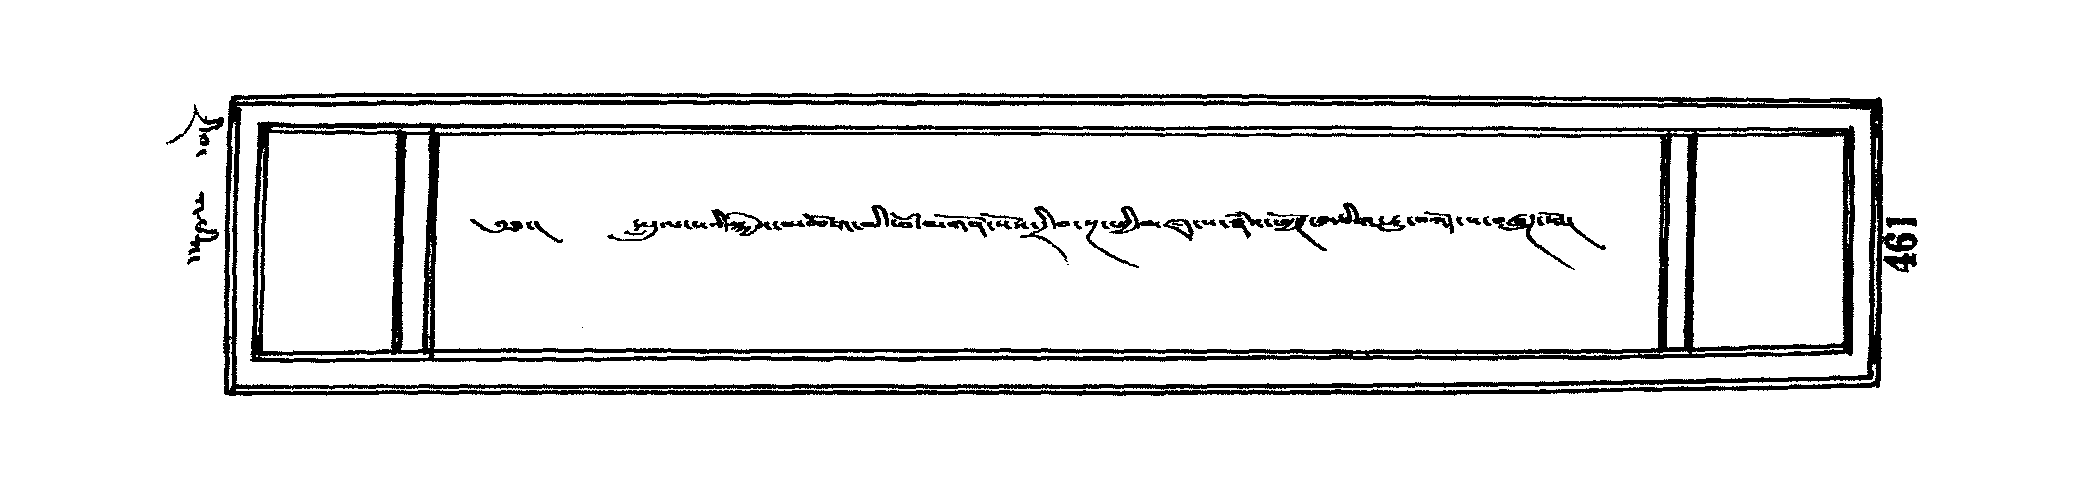༄༅། སྤྲུལ་པའི་སྐྱེས་མཆོག་མི་ཕམ་མགོན་པོས་དྲི་བ་སྔ་ཕྱིར་མཛད་པ་རྣམས་ཕྱོགས་གཅིག་ཏུ་བཀོད་པ་བཞུགས་སོ།།